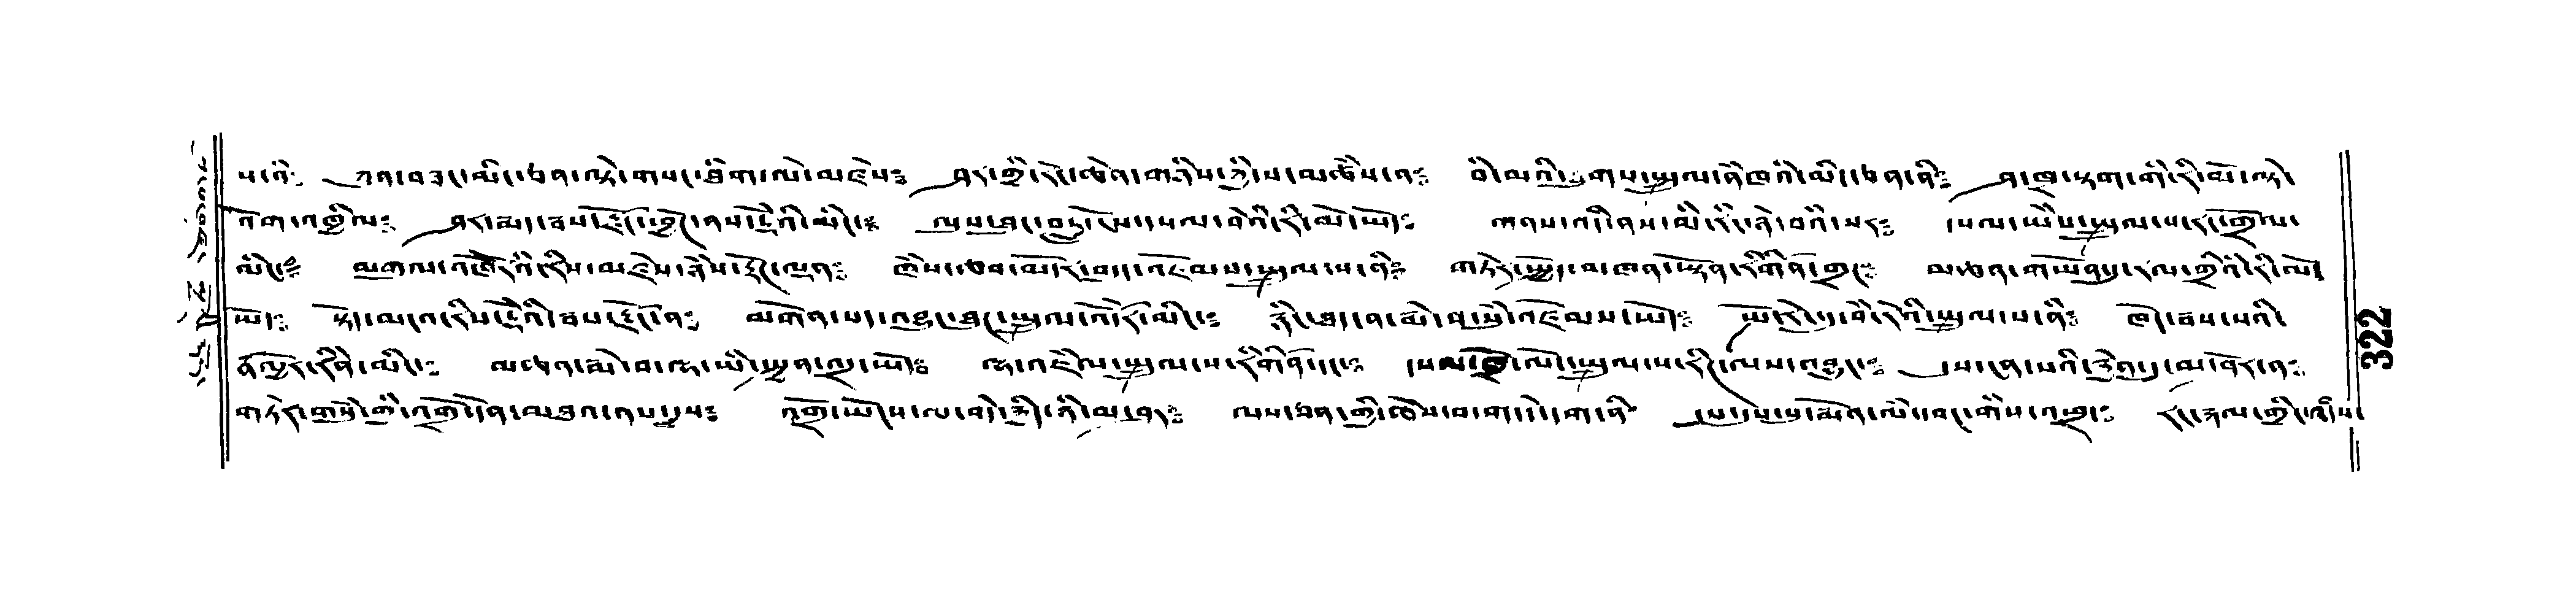པ་ནི༔ ཀུན་བཟང་མིང་ཅན་ལྟེ་གསང་ཐིག་ལེ་མཛེས༔ ཤར་གྱི་རོང་ཆེན་གཉིས་ཀྱི་ས་མཚམས་ན༔ བི་མའི་ཐུགས་སྤྲུལ་ནམ་མཁའི་མིང་ཅན་ནི༔ ཤ་ཁྲ་སྟག་གི་རི་མོ་ལྟེ་
འོག་འཁྱིལ༔ ཤར་སྨད་སྦས་རྫོང་ཕྱོགས་ནས་རྡོ་རྗེའི་མིང༔ ལུས་ཐུང་བརླ་ངོས་དཔལ་བེའི་རི་མོ་ཡོད༔ གནས་འདི་ནས་མི་རིང་ཉེ་བའི་སར༔ དཔལ་ཡེ་ཤེས་སྤྲུལ་པ་རང་གྲོལ་
མིང༔ མགུལ་འཁོར་ལོའི་རིས་མཛེས་ཉམས་རྟོགས་ལྡན༔ ཁམས་ཆབ་མདོར་བདུད་འཇོམས་སྤྲུལ་པ་ནི༔ གཏེར་སྤྱོད་མཁན་ཡོན་ཏན་རིག་འཛིན་གྲགས༔ མཆན་གཡོན་དུ་རལ་གྲིའི་རི་མོ་
ཡོད༔ སྟོད་མངའ་རིས་རྡོ་རྗེའི་སྦས་རྫོང་ན༔ མགོན་པད་འབྱུང་ཐུགས་སྤྲུལ་འོད་ཟེར་མིང༔ སྙིང་ཐད་ན་སྨེ་བ་སུམ་འཛོམས་ཡོད༔ སྤོ་རོང་དུ་བཻ་རོའི་སྤྲུལ་པ་ནི༔ ཁོང་སྦས་པའི་
རྣལ་འབྱོར་རིན་ཆེན་མིང༔ མཆན་སྨེ་བ་ལྷ་ཡི་སྤྱན་འདྲ་ཡོད༔ ལྷ་འཇམ་དཔལ་སྤྲུལ་པ་རིག་འཛིན་དང༔ དཔལ་ཁྲོ་ལོད་སྤྲུལ་པ་རིགས་ལས་འབྱུང༔ དུས་ངན་པའི་རྐྱེན་དུ་མ་ཤོར་ན༔ 
གཏེར་གསུམ་གྱི་འགྲོ་དོན་མཐའ་ནས་རྒྱས༔ འགྲོ་ཡོངས་ལ་བདེ་སྐྱིད་ཉི་མ་ཤར༔ ལས་ཅན་གྱི་ཆོས་བདག་དེ་དག་ནི༔ དུས་དུས་སུ་སྨོན་ལམ་དབང་གིས་འཕྲད༔ རང་སྐལ་གྱི་གདམས་